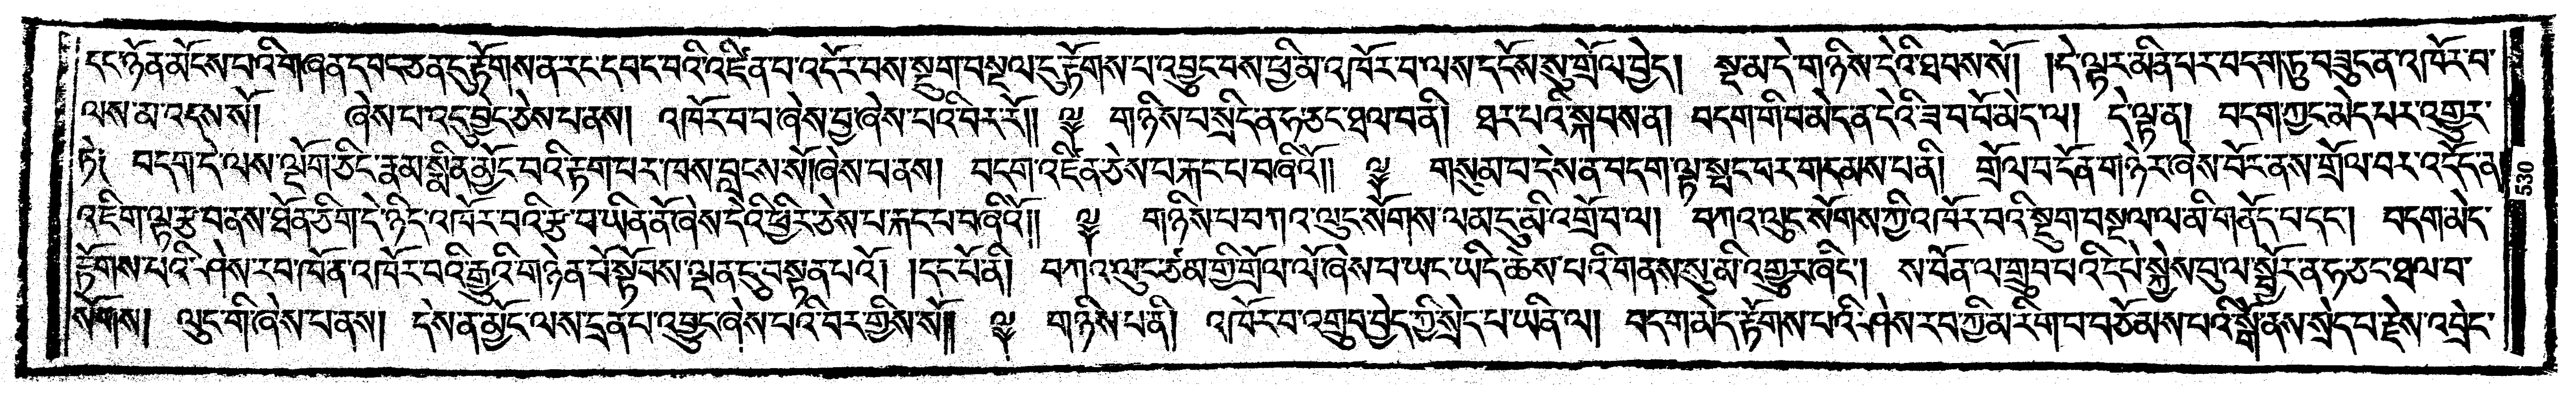དང་ཉོན་མོངས་པའི་གཞན་དབང་ཅན་དུ་རྟོགས་ན་རང་དབང་བའི་འཛིན་པ་འདོར་བས་སྡུག་བསྔལ་དུ་རྟོགས་པ་འབྱུང་བས་ཕྱི་མ་འཁོར་བ་ལས་དངོས་སུ་གྲོལ་བྱེད། སྔ་མ་དེ་གཉིས་དེའི་ཐབས་སོ། །དེ་ལྟར་མིན་པར་བདག་ཏུ་བཟུང་ན་འཁོར་བ་
ལས་མ་འདས་སོ། ཞེས་པ་འདུ་བྱེད་ཅེས་པ་ནས། འཁོར་བ་པ་ཞེས་བྱ་ཞེས་པའི་བར་རོ།། ༈ གཉིས་པ་སྲིད་ན་ཧ་ཅང་ཐལ་བ་ནི། ཐར་པའི་སྐབས་ན། བདག་གི་བ་མེད་ན་དེའི་ཟ་བ་པོ་མེད་ལ། དེ་ལྟ་ན། བདག་ཀྱང་མེད་པར་འགྱུར་
ཏེ། བདག་དེ་ལས་ལྡོག་ཅིང་རྣམ་སྨིན་མྱོང་བའི་རྟག་པར་ཁས་བླངས་སོ། ཞེས་པ་ནས། བདག་འཛིན་ཅེས་པ་རྐང་པ་བཞིའོ།། ༈ གསུམ་པ་དེས་ན་བདག་ལྟ་སྤང་བར་གདམས་པ་ནི། གྲོལ་བ་དོན་གཉེར་ཞེས་བོར་ནས་གྲོལ་བར་འདོད་ན་
འཇིག་ལྟ་རྩ་བ་ནས་ཐོན་ཅིག་དེ་ཉིད་འཁོར་བའི་རྩ་བ་ཡིན་ནོ་ཞེས་དེའི་ཕྱིར་ཅེས་པ་རྐང་པ་བཞིའོ།། ༈ གཉིས་པ་བཀའ་ལུང་སོགས་ལམ་དུ་མི་འགྲོ་བ་ལ། བཀའ་ལུང་སོགས་ཀྱི་འཁོར་བའི་སྡུག་བསྔལ་ལ་མི་གནོད་པ་དང་། བདག་མེད་
རྟོགས་པའི་ཤེས་རབ་ཁོ་ན་འཁོར་བའི་རྒྱུའི་གཉེན་པོ་སྟོབས་ལྡན་དུ་བསྟན་པའོ། །དང་པོ་ནི། བཀའ་ལུང་ཙམ་གྱི་གྲོལ་ལོ་ཞེས་པ་ཡང་ཡིད་ཆེས་པའི་གནས་སུ་མི་འགྱུར་ཞིང་། ས་བོན་ལ་གྲུབ་པའི་དཔེ་སྐྱེས་བུ་ལ་སྦྱོར་ན་ཧ་ཅང་ཐལ་བ་
སོགས། ལུང་གི་ཞེས་པ་ནས། དེས་ན་མྱོང་ལས་དྲན་པ་འབྱུང་ཞེས་པའི་བར་གྱིས་སོ།། ༈ གཉིས་པ་ནི། འཁོར་བ་འགྲུབ་བྱེད་ཀྱི་སྲེད་པ་ཡིན་ལ། བདག་མེད་རྟོགས་པའི་ཤེས་རབ་ཀྱི་མ་རིག་པ་བཅོམས་པའི་སྒོ་ནས་སྲེད་པ་རྗེས་འབྲེང་